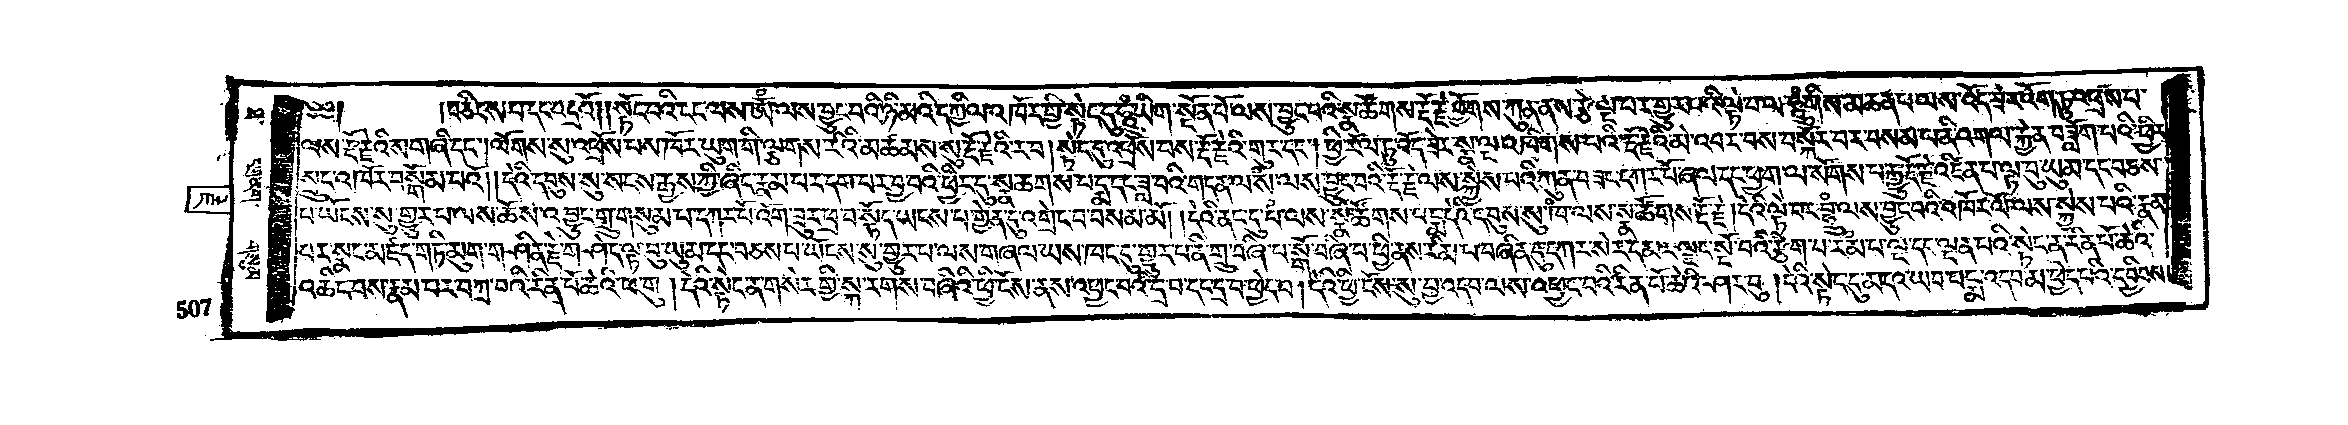༄༅། །བཅིངས་པ་དང་འདྲའོ། །སྟོང་པའི་ངང་ལས་ཨོཾ་ལས་བྱུང་བའི་ཉི་མའི་དཀྱིལ་འཁོར་གྱི་སྟེང་དུ་ཧཱུཾ་ཡིག་སྔོན་པོ་ལས་བྱུང་བའི་སྣ་ཚོགས་རྡོ་རྗེ་ཕྱོགས་ཀུན་ནས་རྩེ་ལྔ་པར་གྱུར་པའི་ལྟེ་བ་ལ་ཧཱུཾ་གིས་མཚན་པ་ལས་འོད་ཟེར་འོག་ཏུ་འཕྲོས་པ་
ལས་རྡོ་རྗེའི་ས་གཞི་དང་། ལོགས་སུ་འཕྲོས་པས་ཁོར་ཡུག་གི་ལྕགས་རིའི་མཚམས་སུ་རྡོ་རྗེའི་ར་བ། སྟེང་དུ་འཕྲོས་པས་རྡོ་རྗེའི་གུར་དང་། ཕྱི་རོལ་ཏུ་འོད་ཟེར་སྣ་ལྔ་འཁྲོགས་པའི་རྡོ་རྗེའི་མེ་འབར་བས་བསྐོར་བར་བསམ་པ་ནི་འགལ་རྐྱེན་བཟློག་པའི་ཕྱིར་
སྲུངས་འཁོར་བསྒོམ་པའོ། །དེའི་དབུས་སུ་སངས་རྒྱས་ཀྱི་ཞིང་རྣམ་པར་དག་པར་བྱ་བའི་ཕྱིར་དུ་སྣ་ཆགས་པདམ་དང་ཟླ་བའི་གདན་ལ་སཾ་ལས་བྱུང་བའི་རྡོ་རྗེ་ལས་སྐྱེས་པའི་ཀུན་བཟང་དཀར་པོ་ཞལ་དང་ཕྱག་ལ་སོགས་པ་རྒྱུ་རྡོ་རྗེ་འཛིན་པ་ལྟ་བུ་ཡུམ་དང་བཅས་
པ་ཡོངས་སུ་གྱུར་པ་ལས་ཆོས་འབྱུང་གྲུ་གསུམ་པ་དཀར་པོ་འོག་ཟུར་ཕྲ་བ་སྟོད་ཡངས་པ་གྱེན་དུ་འགྲེང་བ་བསམ་མོ། །དེའི་ནང་དུ་པཾ་ལས་སྣ་ཚོགས་པདམ་དེའི་དབུས་སུ་ཁཾ་ལས་སྣ་ཚོགས་རྡོ་རྗེ། དེའི་ལྟེ་བར་བྷྲུཾ་ལས་བྱུང་བའི་འཁོར་ལོ་ལས་སྐྱེས་པའི་རྣམ་
པར་སྣང་མཛད་གཏི་མུག་གཤིན་རྗེ་གཤེད་ལྟ་བུ་ཡུམ་དང་བཅས་པ་ཡོངས་སུ་གྱུར་པ་ལས་གཞལ་ཡས་ཁང་དུ་གྱུར་པ་ནི་གྲུ་བཞི་པ་སྒོ་བཞི་པ་ཕྱི་ནས་རིམ་པ་བཞིན་དུ་དཀར་སེར་དམར་ལྗང་སྔོ་བའི་རྩིག་པ་རིམ་པ་ལྔ་དང་ལྡན་པའི་སྟེང་ན་རིན་པོ་ཆེའི་
འཆིང་བས་རྣམ་པར་བཀྲ་བའི་རིན་པོ་ཆེའི་ཕ་གུ། དེའི་སྟེང་ན་གསེར་གྱི་སྐ་རགས་བཞིའི་ཕྱི་ངོས་ནས་འཕྱང་བའི་དྲ་བ་དང་དྲ་བ་ཕྱེད་པ། དེའི་ཕྱི་ངོས་སུ་བྱ་འདབ་ལས་འཕྱང་བའི་རིན་པོ་ཆེའི་ཤར་བུ། དེའི་སྟེང་དུ་མདའ་ཡབ་པདམ་འདབ་མ་ཕྱེད་པའི་དབྱིབས་